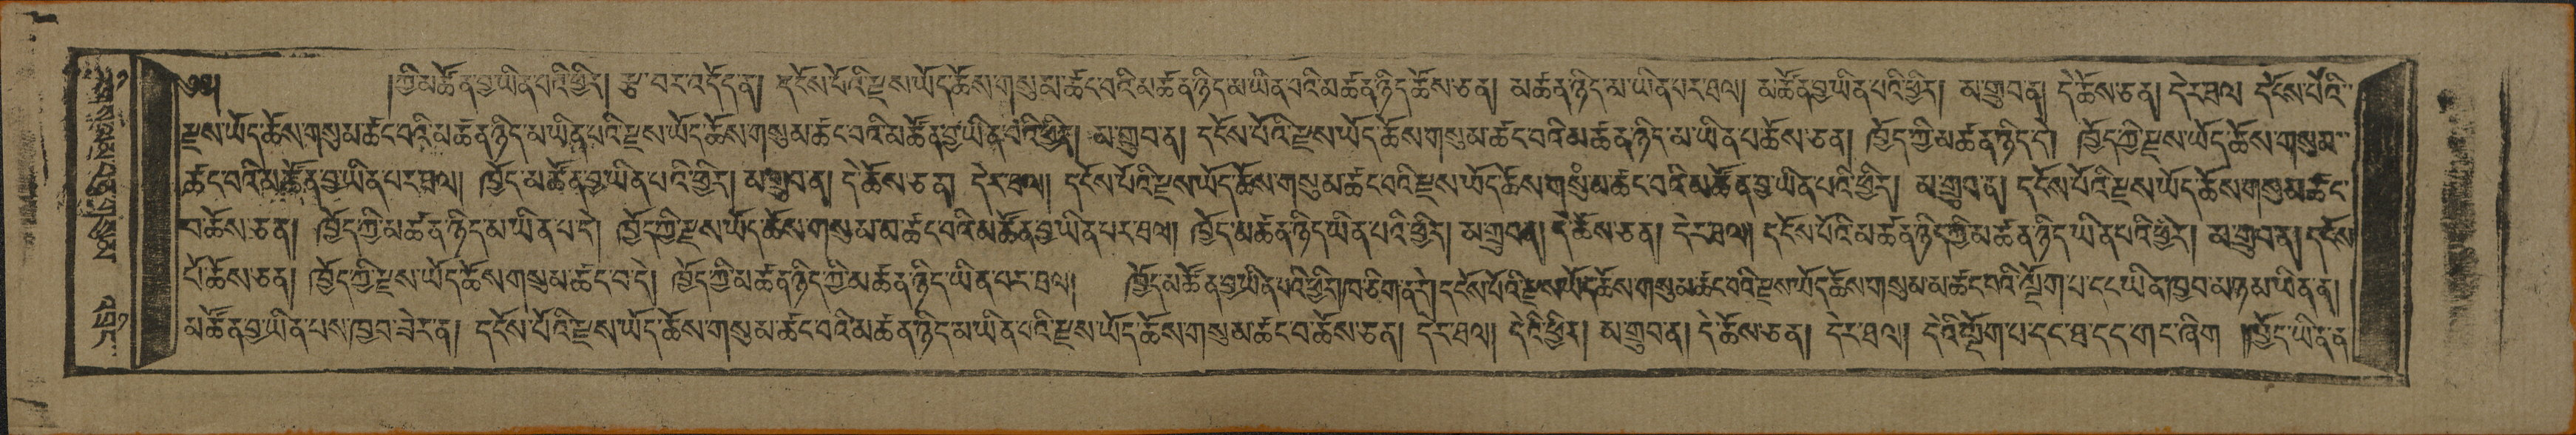༄༅། །ཀྱི་མཚོན་བྱ་ཡིན་པའི་ཕྱིར། རྩ་བར་འདོད་ན། དངོས་པོའི་རྫས་ཡོད་ཆོས་གསུམ་ཚང་བའི་མཚན་ཉིད་མ་ཡིན་པའི་མཚན་ཉིད་ཆོས་ཅན། མཚན་ཉིད་མ་ཡིན་པར་ཐལ། མཚོན་བྱ་ཡིན་པའི་ཕྱིར། མ་གྲུབ་ན། དེ་ཆོས་ཅན། དེར་ཐལ། དངོས་པོའི་
རྫས་ཡོད་ཆོས་གསུམ་ཚང་བའི་མཚན་ཉིད་མ་ཡིན་པའི་རྫས་ཡོད་ཆོས་གསུམ་ཚང་བའི་མཚོན་བྱ་ཡིན་པའི་ཕྱིར། མ་གྲུབ་ན། དངོས་པོའི་རྫས་ཡོད་ཆོས་གསུམ་ཚང་བའི་མཚན་ཉིད་མ་ཡིན་པ་ཆོས་ཅན། ཁྱོད་ཀྱི་མཚན་ཉིད་དེ། ཁྱོད་ཀྱི་རྫས་ཡོད་ཆོས་གསུམ་
ཚང་བའི་མཚོན་བྱ་ཡིན་པར་ཐལ། ཁྱོད་མཚོན་བྱ་ཡིན་པའི་ཕྱིར། མ་གྲུབ་ན། དེ་ཆོས་ཅན། དེར་ཐལ། དངོས་པོའི་རྫས་ཡོད་ཆོས་གསུམ་ཚང་བའི་རྫས་ཡོད་ཆོས་གསུམ་མ་ཚང་བའི་མཚོན་བྱ་ཡིན་པའི་ཕྱིར། མ་གྲུབ་ན། དངོས་པོའི་རྫས་ཡོད་ཆོས་གསུམ་ཚང་
བ་ཆོས་ཅན། ཁྱོད་ཀྱི་མཚན་ཉིད་མ་ཡིན་པ་དེ། ཁྱོད་ཀྱི་རྫས་ཡོད་ཆོས་གསུམ་མ་ཚང་བའི་མཚོན་བྱ་ཡིན་པར་ཐལ། ཁྱོད་མཚན་ཉིད་ཡིན་པའི་ཕྱིར། མ་གྲུབ་ན། དེ་ཆོས་ཅན། དེར་ཐལ། དངོས་པོའི་མཚན་ཉིད་ཀྱི་མཚན་ཉིད་ཡིན་པའི་ཕྱིར། མ་གྲུབ་ན། དངོས་
པོ་ཆོས་ཅན། ཁྱོད་ཀྱི་རྫས་ཡོད་ཆོས་གསུམ་ཚང་བ་དེ། ཁྱོད་ཀྱི་མཚན་ཉིད་ཀྱི་མཚན་ཉིད་ཡིན་པར་ཐལ། ཁྱོད་མཚོན་བྱ་ཡིན་པའི་ཕྱིར། ཁ་ཅིག་ན་རེ། དངོས་པོའི་རྫས་ཡོད་ཆོས་གསུམ་ཚང་བའི་རྫས་ཡོད་ཆོས་གསུམ་མཚང་བའི་ལྡོག་པ་དང་ཡིན་ཁྱབ་མཉམ་ཡིན་ན།
མཚོན་བྱ་ཡིན་པས་ཁྱབ་ཟེར་ན། དངོས་པོའི་རྫས་ཡོད་ཆོས་གསུམ་ཚང་བའི་མཚན་ཉིད་མ་ཡིན་པའི་རྫས་ཡོད་ཆོས་གསུམ་ཚང་བ་ཆོས་ཅན། དེར་ཐལ། དེའི་ཕྱིར། མ་གྲུབ་ན། དེ་ཆོས་ཅན། དེར་ཐལ། དེའི་ལྡོག་པ་དང་ཐ་དད་གང་ཞིག །ཁྱོད་ཡིན་ན་